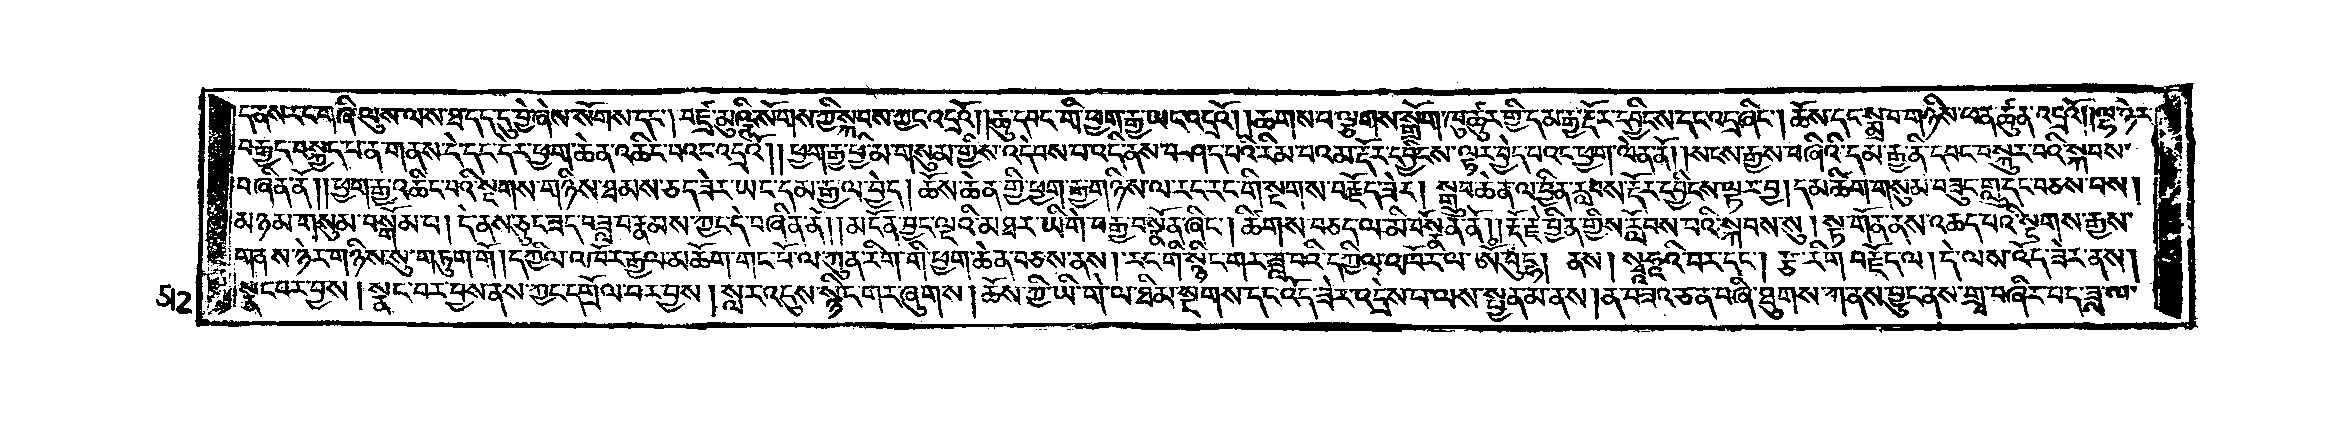ད་ནས་རང་བཞི་ལུས་ལས་ཐ་དད་དུ་བྱེ་ཞེས་སོགས་དང་། བཛྲ་མུཥྚི་སོགས་ཀྱི་སྐབས་ཀྱང་འདྲའོ། །ཆུ་དབང་གི་ཕྱག་རྒྱ་ཡང་འདྲའོ། །ཆགས་པ་ལྕགས་སྒྲོག་ཁུ་ཚུར་གྱི་དམ་རྒྱ་རྡོར་དབྱིངས་དང་འདྲ་ཞིང་། ཆོས་དང་སྨྲ་བ་གཉིས་ཕན་ཚུན་འདྲའོ། །ལྷ་ཉེར་
བརྒྱད་བསྐྱད་པ་ན་གནས་དེ་དང་དེར་ཕྱག་ཆེན་འཆིང་བའང་འདྲའོ། །ཕྱག་རྒྱ་ཕྱི་མ་གསུམ་གྱིས་འདེབས་པ་འདི་ནས་བཤད་པའི་རིམ་པའམ་རྡོར་དབྱིངས་ལྟར་བྱེད་པའང་ཕྱག་ལེན་ནོ། །སངས་རྒྱས་བཞིའི་དམ་རྒྱ་ནི་དབང་བསྐུར་བའི་སྐབས་
བཞིན་ནོ། །ཕྱག་རྒྱ་འཆིང་བའི་སྔགས་གཉིས་ཐམས་ཅད་ཟེར་ཡང་དམ་རྒྱ་ལ་བྱེད། ཆོས་ཆེན་གྱིས་ཕྱག་རྒྱ་གཉིས་ལ་རང་རང་གི་སྔགས་བརྗོད་ཟེར། སྒྲུབ་ཆེན་ལ་བྱིན་རླབས་རྡོར་དབྱིངས་ལྟར་བྱ། དམ་ཚིག་གསུམ་བཟུང་གླུ་དང་བཅས་པས།
མཉམ་གསུམ་བསྒོམ་པ། དེ་ནས་ཅུང་ཟད་བཟླ་བ་རྣམས་ཀྱང་དེ་བཞིན་ནོ། །མངོན་བྱང་ལྔའི་མཐར་ཡི་གེ་བརྒྱ་བསྣོན་ཞིང་། ཚིགས་བཅད་ལ་མི་བསྣོན་ནོ། །རྡོ་རྗེ་བྱིན་གྱིས་རློབས་པའི་སྐབས་སུ། སྟ་གོན་ནས་འཆད་པའི་སྔགས་རྒྱས་
གནས་ཉེར་གཉིས་སུ་གཏུག་གོ །དཀྱིལ་འཁོར་རྒྱལ་མཆོག་གང་པོ་ལ་ཀུན་རིག་གི་ཕྱག་ཆེན་བཅས་ནས། རང་གི་སྙིང་གར་ཟླ་བའི་དཀྱིལ་འཁོར་ལ་ཨོཾ་བུདྷ། ནས། སྭཱཧཱའི་བར་དང་། རྩ་རིག་བརྗོད་ལ། དེ་ལས་འོད་ཟེར་ནས།
སྣང་བར་བྱས། སྣང་བར་བྱས་ནས་ཀྱང་དགྲོལ་བར་བྱས། སླར་འདུས་སྙིང་གར་ཞུགས། ཆོས་ཀྱི་ཡི་གེ་ལ་ཐིམ་སྔགས་དང་འོད་ཟེར་འདྲེས་པ་ལས་སྤྱན་མ་ནས། ན་བཟའ་ཅན་བཞི་ཐུགས་ཀ་ནས་བྱུང་ནས་གྲྭ་བཞིར་པད་ཟླ་ལ་